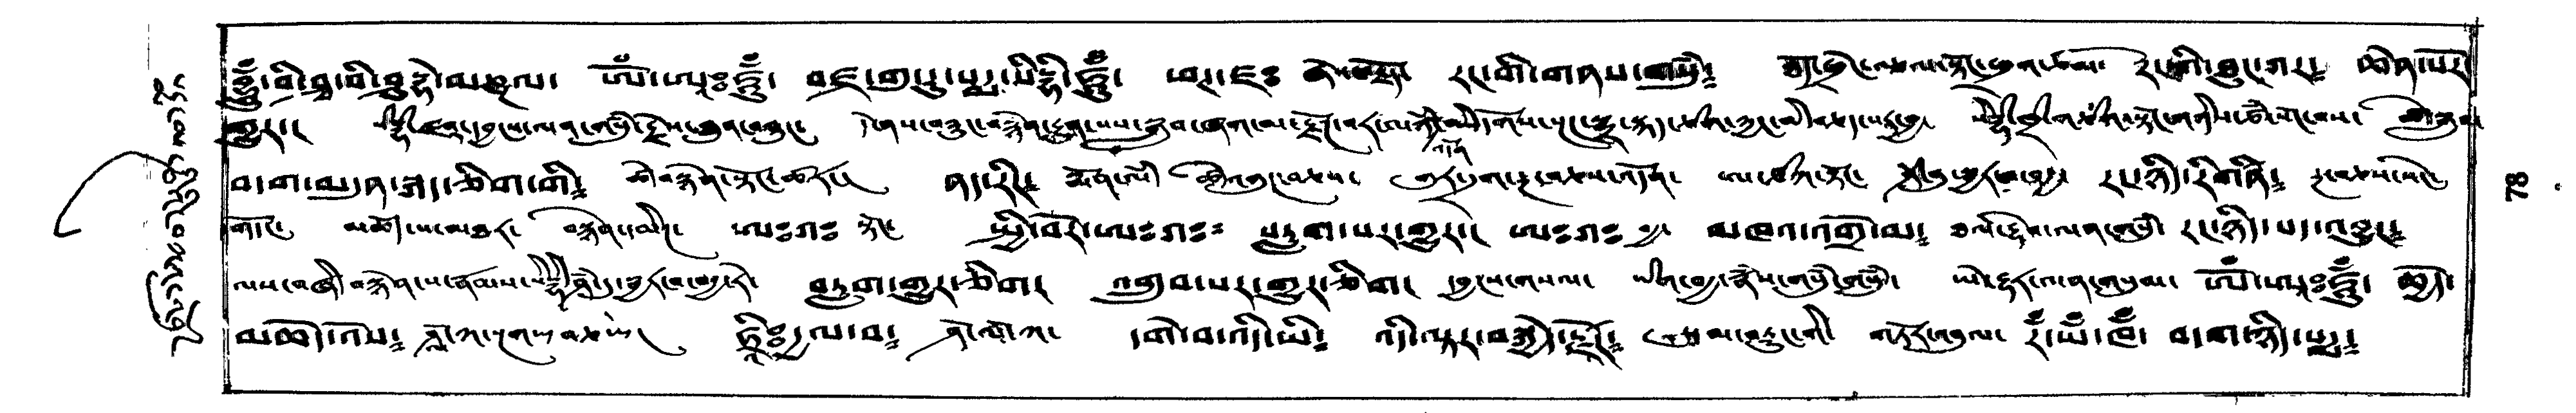བྷྲུྃ་བི་ཤྭ་བི་ཤུདྡྷེ་མཎྜལ། ཨོཾ་ཨཱཿཧཱུྃ། བཛྲ་གུ་རུ་པདྨ་སིདྡྷི་ཧཱུྃ། ཕཊ་ཛཿ ཞེས་བརྗོད། རང་གི་གནས་གསུམ༴ ཐོད་ཕྲེང་རྩལ་སྟོང་ཕྲག་ཙམ། རང་གི་ཐུགས་ཀར༴ ཆེན་པོར་
གྱུར། སིདྡྷི་ཛཿ དབྱངས་ལན་གསུམ་རྗེས་ཐུན་བཟུང་། དེ་ནས་བཟུང་བསྙེན་རྒྱུན་པས་སྒྲུབ་ཞག་མ་རྫོགས་བར་མཉམ་འདོན་མི་དགོས། སྔགས་སྒྲ་སྐད་ཅིག་ཀྱང་མི་བཅད་པར་བྱ།སིདྡྷི་ཁྲི་གཅིག སྟོང་གཉིས་ཙམ་སོང་བས། ཚེ་སྒྲུབ། 
བདག་མདུན་སྐད་ཅིག་གི༴ ཚེ་བསྙེན་སྟོང་ཚར། ནད་རིགས༴ སྨོན་ལམ། ཚེ་འགུགས་བཅས། གུར་དྲག་རྔ་བཅས་འདོན། ཨ་ཙིཀ་སྟོང་། ཤམ་བུ་སྦྱར་བ་བརྒྱ། རང་ཉིད་རིག་འཛིན༴ རྔ་བཅས་སེང་
གདོང་། མཆོད་པ་མཐར། བསྙེན་དམིགས། ཨཿཀཿ སྟོང་། སྤྱི་བོར་ཨཿཀཿ༴ བརླག་པར་གྱུར། ཨཿཀཿ བརྒྱ་མཁའ་འགྲོ་མ ཐལ་རྡེབ་ལན་གསུམ། རང་ཉིད་པད་འབྱུང༴ 
ལས་བཞི་བསྙེན་པ་རྣམས་སིདྡྷི་ཤམ་དུ་སྦྱར་བ་བརྒྱ་རེ། བརླག་གྱུར་ཅིག འགྲུབ་པར་གྱུར་ཅིག དབྱངས་གསལ། ཡིག་བརྒྱ་་རྣམས་གསུམ་གསུམ། ཡེ་དྷར་ལན་གསུམ། ཨོཾ་ཨཱཿཧཱུྃ། མཆོད་བྱ་
མཆོད་འོས༴ ཤཽ་ལོ་ཀ་སྔགས་བཅས། ཧྲཱིཿརྒྱལ་བ༴ ཤོ་ལོ་ཀ། དགེ་བ་འདི་ཡི༴ འདི་ལྟར་བསྐྱེད་རྫོགས༴ སུམ་བརྡུང་གི། གཏོར་འབུལ། རྃ་ཡྃ་ཁྃ། བདག་ཉིད་པདྨ་༴